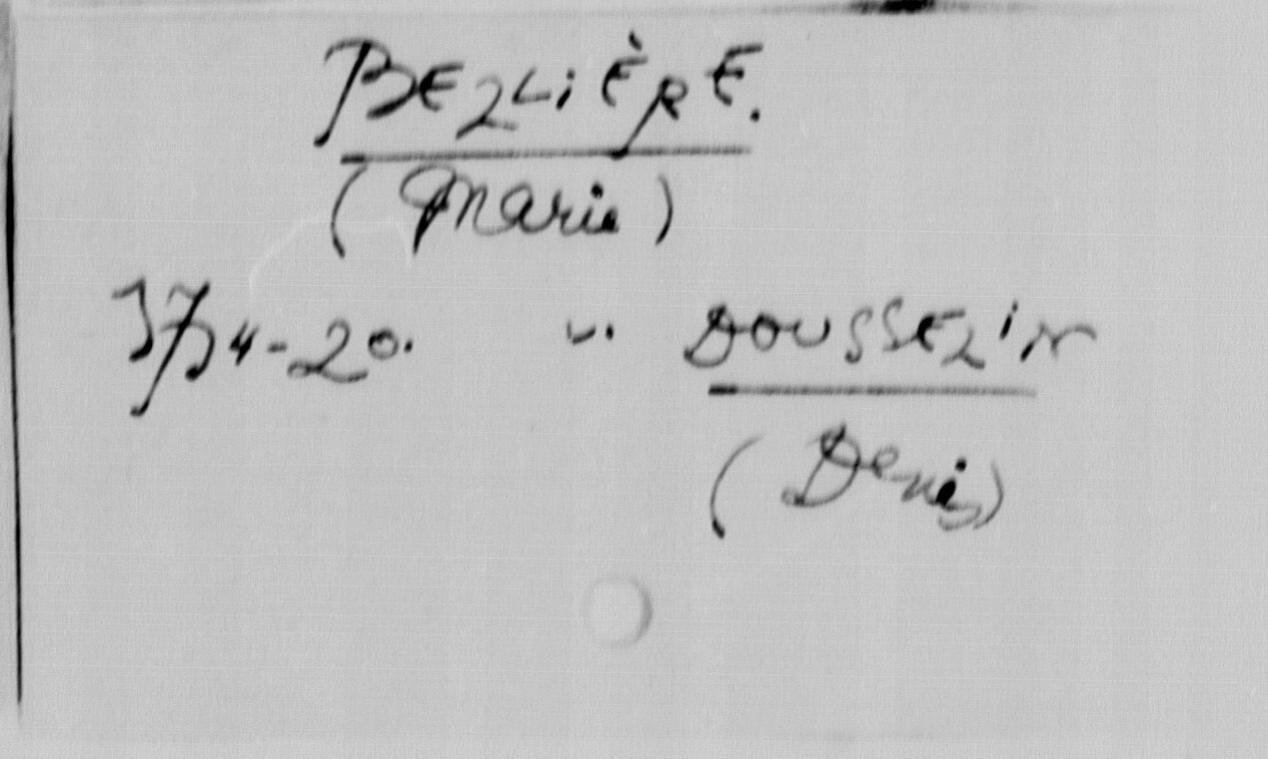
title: BELLIÈRE (Marie)
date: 1714-1720
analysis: Voir DOUSSELIN (Denis)
